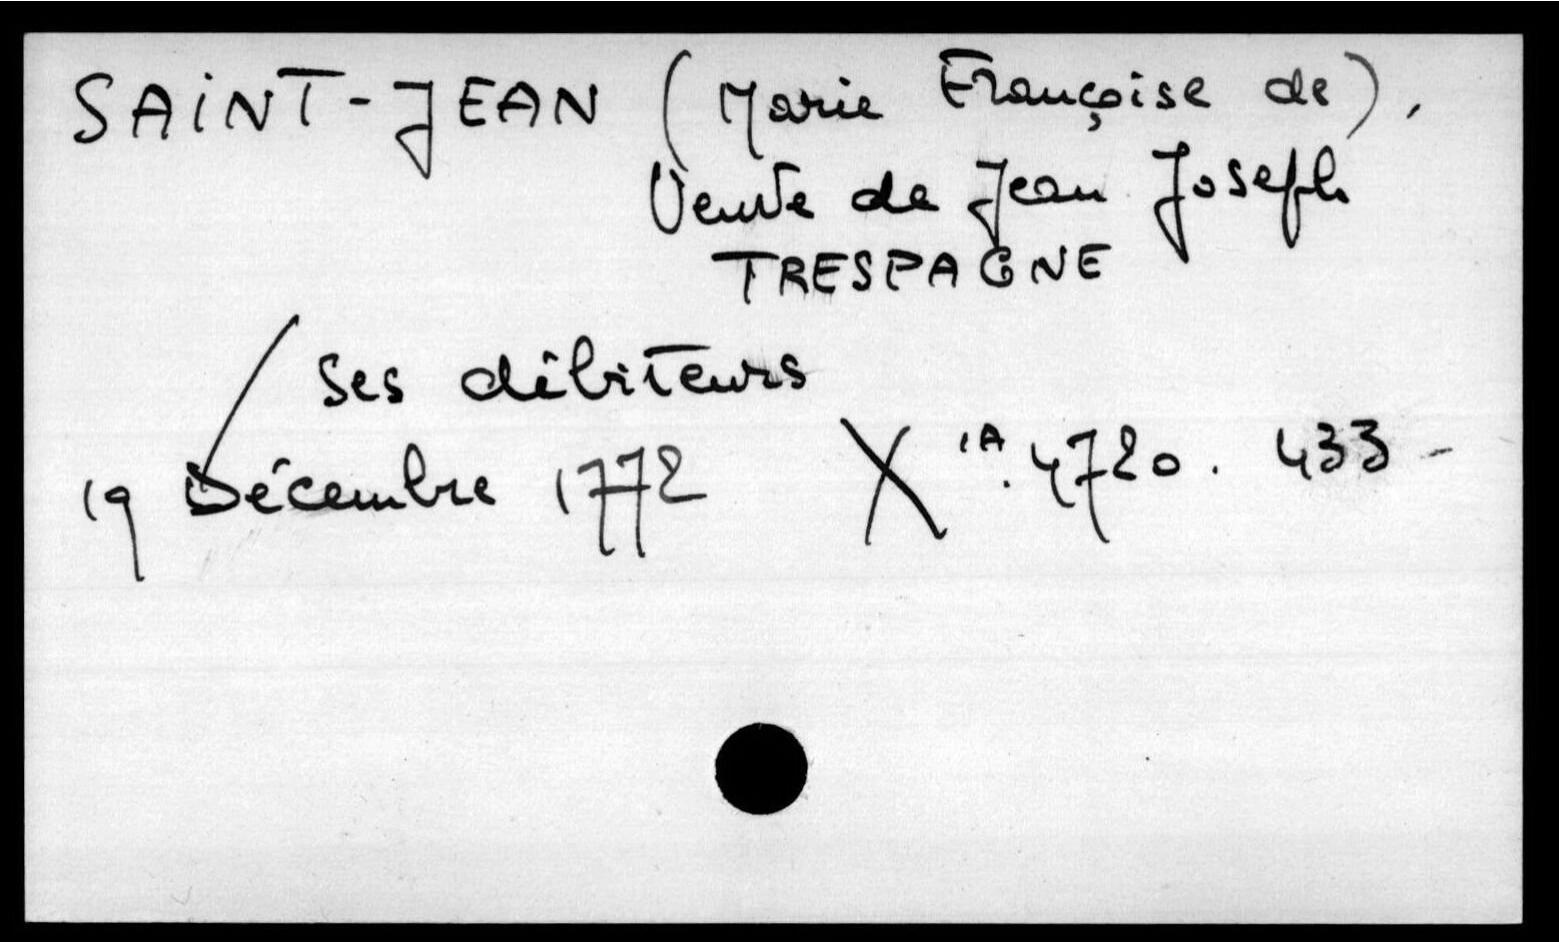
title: SAINT-JEAN (Marie Françoise de), Veuve de Jean Joseph TRESPAGNE
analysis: Contre ses débiteurs
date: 19 décembre 1772
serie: X1A
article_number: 4720
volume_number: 433
